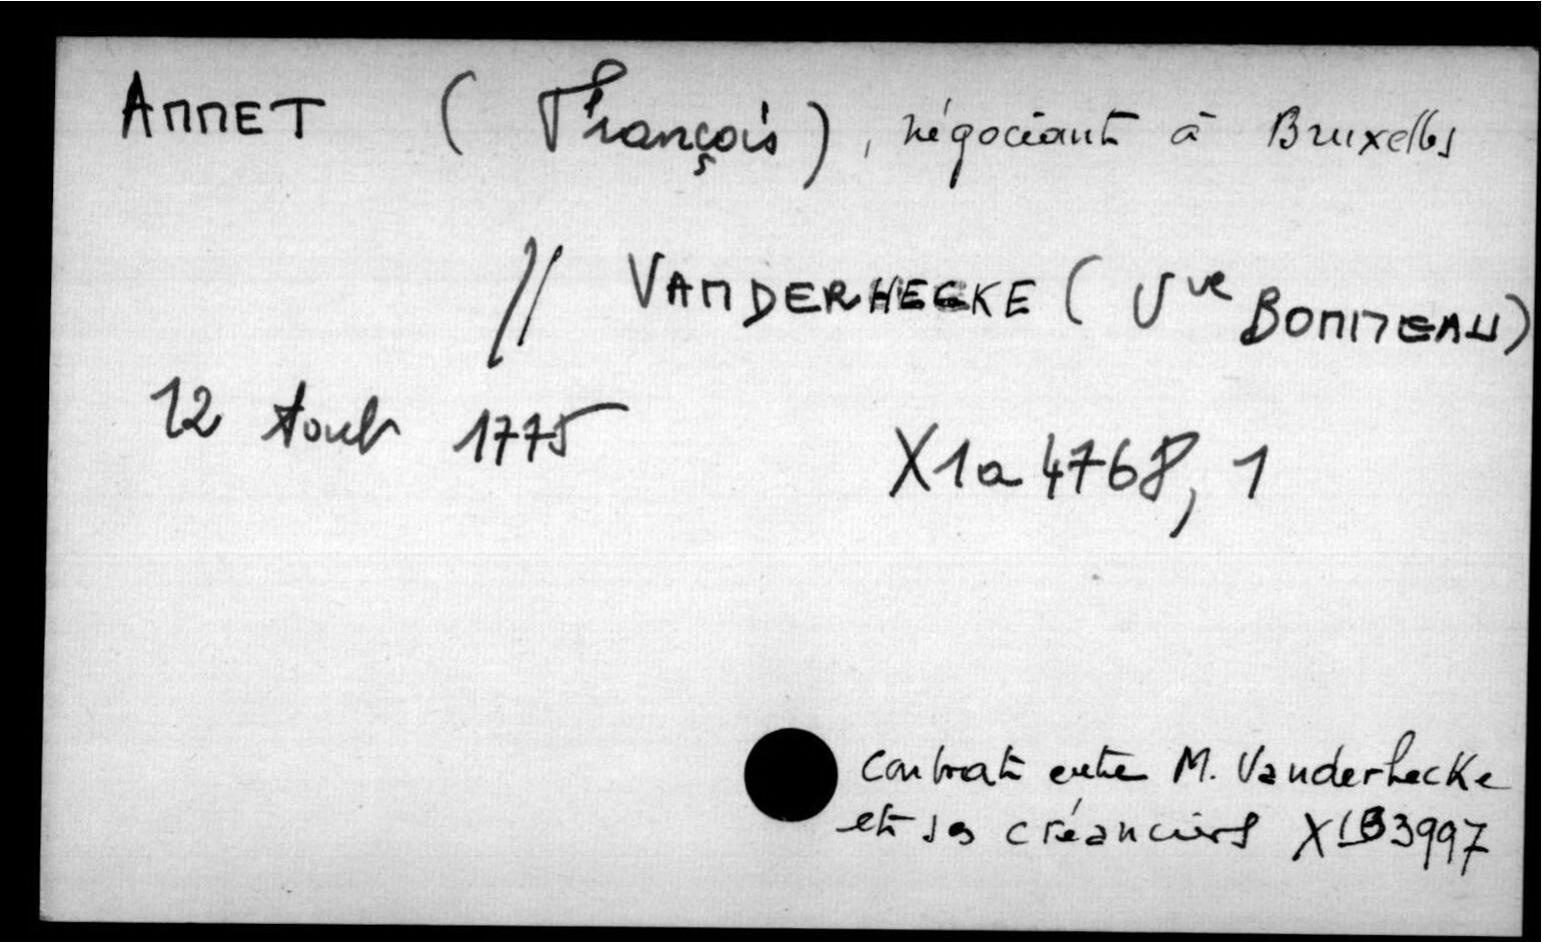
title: ANNET (François), négociant à Bruxelles
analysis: Contre VANDERHECKE (Veuve BONNEAU)
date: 12 août 1775
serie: X1a
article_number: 4768
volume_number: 1
